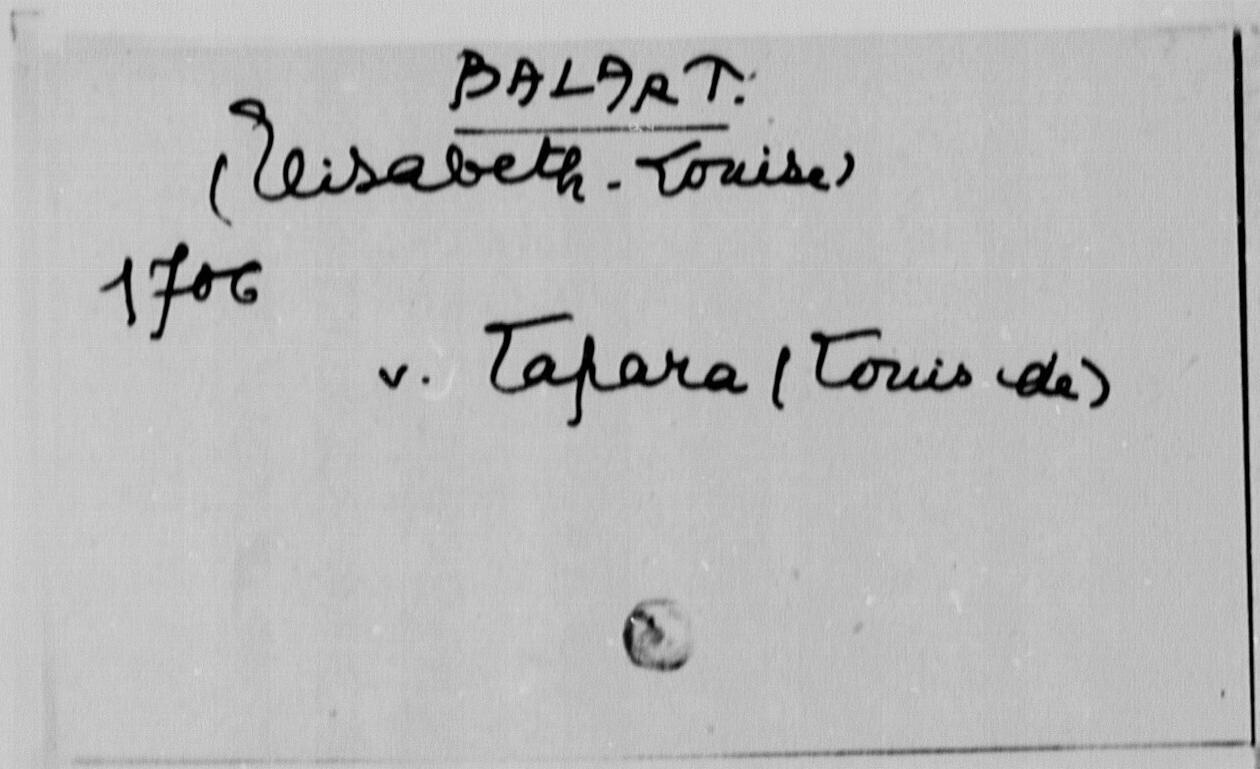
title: BALART (Elisabeth-Louise)
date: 1706
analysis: Voir LAPARA (Louis de)
